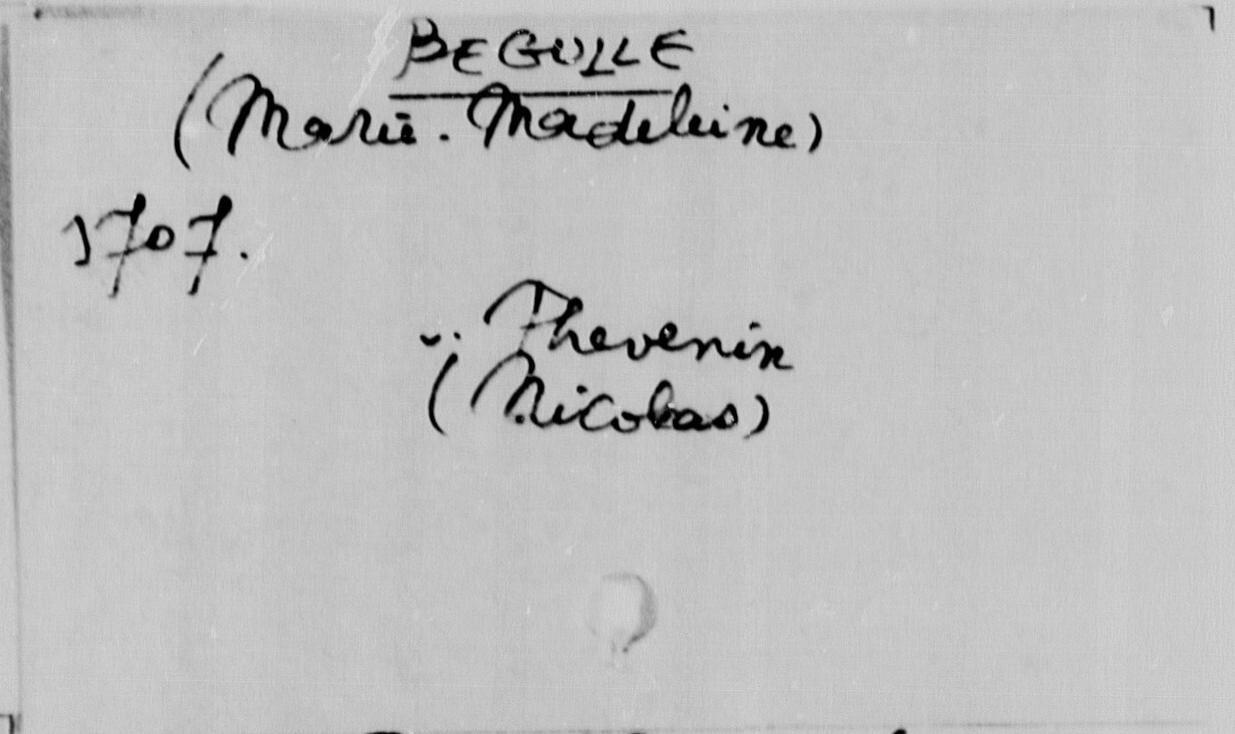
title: BEGULLE (Marie-Madeleine)
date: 1707
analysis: Voir Thevenin (Nicolas)
